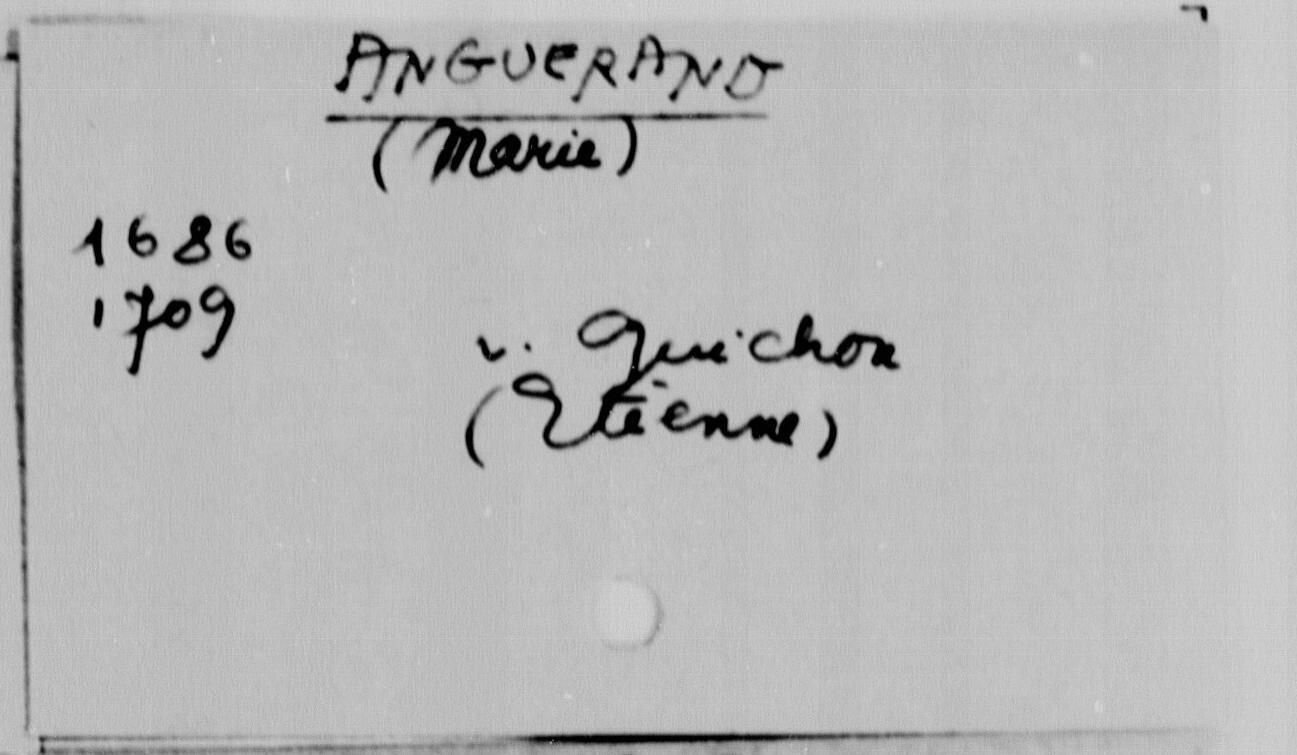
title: ANGUERRAND (Marie)
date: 1686-1709
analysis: Voir Guichon (Etienne)
